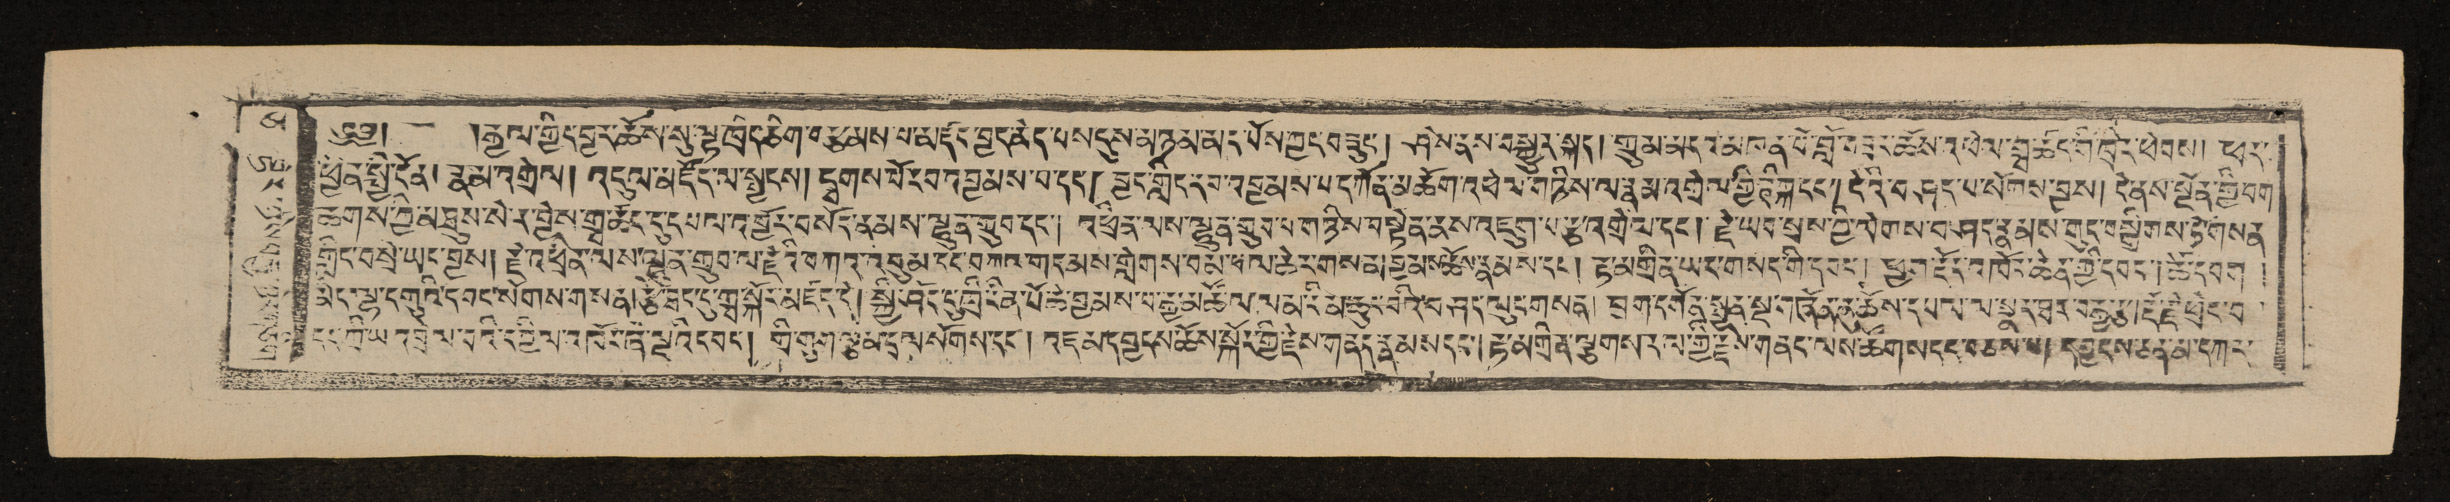༄༅། །རྒྱལ་གྱི་དབྱར་ཆོས་སུ་ལྟ་ཁྲིད་ཅིག་བརྩམས་པ་མཛད་བྱང་མེད་པས་དུས་མཉམ་མང་པོས་ཀྱང་བཟུང་། ཤེས་ནས་བསྐྱུར་སྐད། གྲུམ་མདའ་མཁན་པོ་བློ་བཟང་ཆོས་འཕེལ་གྲྭ་ཚང་གི་ཁྲིར་ཕེབས། ཕར་
ཕྱིན་སྤྱི་དོན། རྣམ་འགྲེལ། འདུལ་མཛོད་ལ་སྦྱངས། དྭགས་པོ་རབ་འབྱམས་པ་དང་། བྱང་གླིང་རབ་འབྱམས་པ་དཀོན་མཆོག་འཕེལ་གཉིས་ལ་རྣམ་འགྲེལ་གྱི་ཊིཀྐ་དང་། དེའི་བཤད་པ་སོགས་བྱས། དེ་ནས་སྔོན་གྱི་བག་
ཆགས་ཀྱི་མཐུས་སེར་བྱེས་གྲྭ་ཚང་དུ་དཔལ་འབྱོར་བསོད་ནམས་ལྷུན་གྲུབ་དང་། འཕྲིན་ལས་ལྷུན་གྲུབ་པ་གཉིས་བསྟེན་ནས་འཇུག་པ་རྩ་འགྲེལ་དང་། རྗེ་ཡབ་སྲས་ཀྱི་ལེགས་བཤད་རྣམས་གུང་བསྒྲིགས་ཏེ་གསན་
གླིང་བསྲེ་ཡང་བྱས། རྗེ་འཕྲིན་ལས་ལྷུན་གྲུབ་ལ་རྗེའི་བཀའ་འབུམ་དང་བཀའ་གདམས་གླེགས་བམ་ཕལ་ཆེར་གསན། བྱམས་ཆོས་རྣམས་དང་། རྟ་མགྲིན་ཡང་གསང་གི་དབང་། ཕྱག་རྡོར་འཁོར་ཆེན་གྱི་དབང་། ཚེ་དཔག་
མེད་ལྷ་དགུའི་དབང་སོགས་གསན། རྩེ་ཐང་དུ་གྲྭ་སྐོར་མཛད་དེ། སྐྱི་ཤོད་དུ་ཁྲི་རིན་པོ་ཆེ་བྱམས་པ་རྒྱ་མཚོ་ལ་ལམ་རིམ་ཆུང་བའི་བཤད་ལུང་གསན། བྲག་དགོན་སྤྱན་སྔ་གཞོན་ནུ་ཆོས་དཔལ་ལ་སྣར་ཐང་བརྒྱ་རྩ། རྡོ་རྗེ་ཕྲེང་བ་
དང་ཀྲི་ཡ་འབྲེལ་བའི་དཀྱིལ་འཁོར་ཞེ་ལྔའི་དབང་། གྲི་གུག་ལྕམ་དྲལ་སོགས་དང་། འཇམ་དབྱངས་ཆོས་སྐོར་གྱི་རྗེས་གནང་རྣམས་དང་། རྟ་མགྲིན་ལྕགས་རལ་གྱི་རྗེས་གནང་ལས་ཚོགས་དང་བཅས་པ། དབྱངས་ཅན་མ་དཀར་